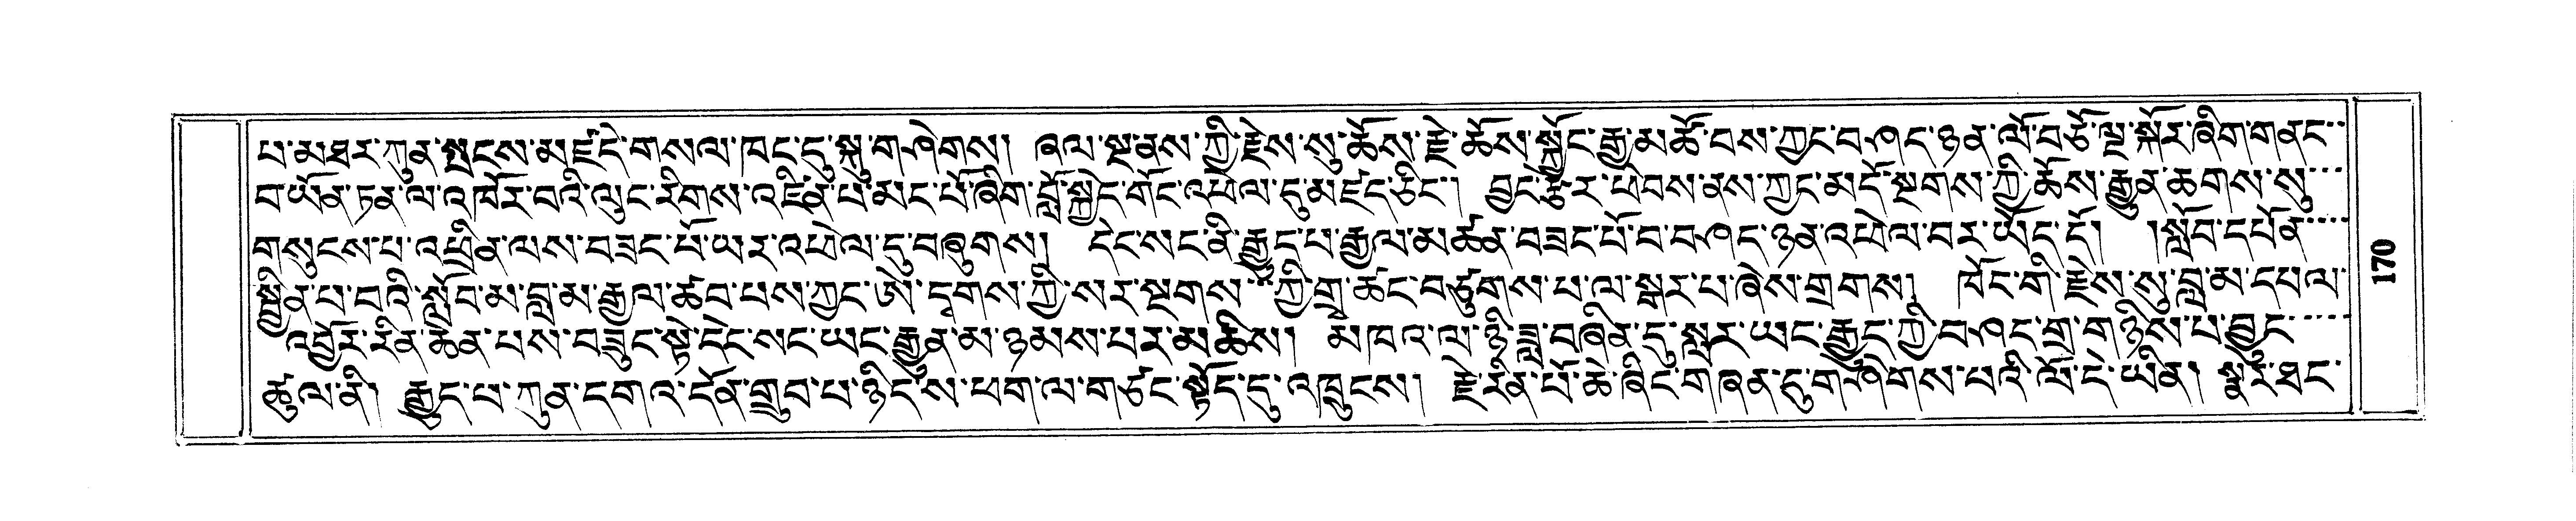པ་མཐར་ཀུན་སྤངས་མཛད་དེ་གསལ་ཁང་དུ་སྐུ་གཤེགས། ཞལ་སྔ་ནས་ཀྱི་རྗེས་སུ་ཆོས་རྗེ་ཆོས་སྐྱོང་རྒྱ་མཚོ་བས་ཀྱང་བཤད་ཉན་ལོ་བཅོ་ལྔ་སྐོར་ཞིག་གནང་
བ་ཡོན་ཏན་ལ་འཁོར་བའི་ལུང་རིགས་འཛིན་པ་མང་པོ་ཞིག་བློ་སྐྱེད་གོང་འཕེལ་དུ་མཛད་ཅིང་། བྱང་རྩེར་ཕེབས་ནས་ཀྱང་མདོ་སྔགས་ཀྱི་ཆོས་རྒྱུན་ཆགས་སུ་
གསུངས་པ་འཕྲིན་ལས་བཟང་པོ་ཡར་འཕེལ་དུ་བཞུགས། དེང་སངས་ནི་རྒྱུད་པ་རྒྱལ་མཚན་བཟང་པོ་བ་བཤད་ཉན་འཕེལ་བར་ཡོད་དོ། །སློབ་དཔོན་
སྦྱིན་པ་བའི་སློབ་མ་བླ་མ་རྒྱལ་ཚབ་པས་ཀྱང་ཨེ་དྭགས་ཀྱི་སར་སྔགས་ཀྱི་གྲྭ་ཚང་བཙུགས་པ་ལ་སྒར་པ་ཞེས་གྲགས། ཁོང་གི་རྗེས་སུ་བླ་མ་དཔལ་
འབྱོར་རིན་ཆེན་པས་བཟུང་སྟེ་དེང་སང་ཡང་རྒྱུན་མ་ཉམས་པར་མཆིས། མཁའ་ལ་ཉི་ཟླ་བཞིན་དུ་སླར་ཡང་རྒྱུད་ཀྱི་བཤད་གྲ་གཉིས་པ་བྱུང་
ཚུལ་ནི། རྒྱུད་པ་ཀུན་དགའ་དོན་གྲུབ་པ་ཉིད་ས་ཕག་ལ་གཙང་སྟོད་དུ་འཁྲུངས། རྗེ་རིན་པོ་ཆེ་ཞིང་གཞན་དུ་གཤེགས་པའི་ལོ་དེ་ཡིན། སྣར་ཐན་